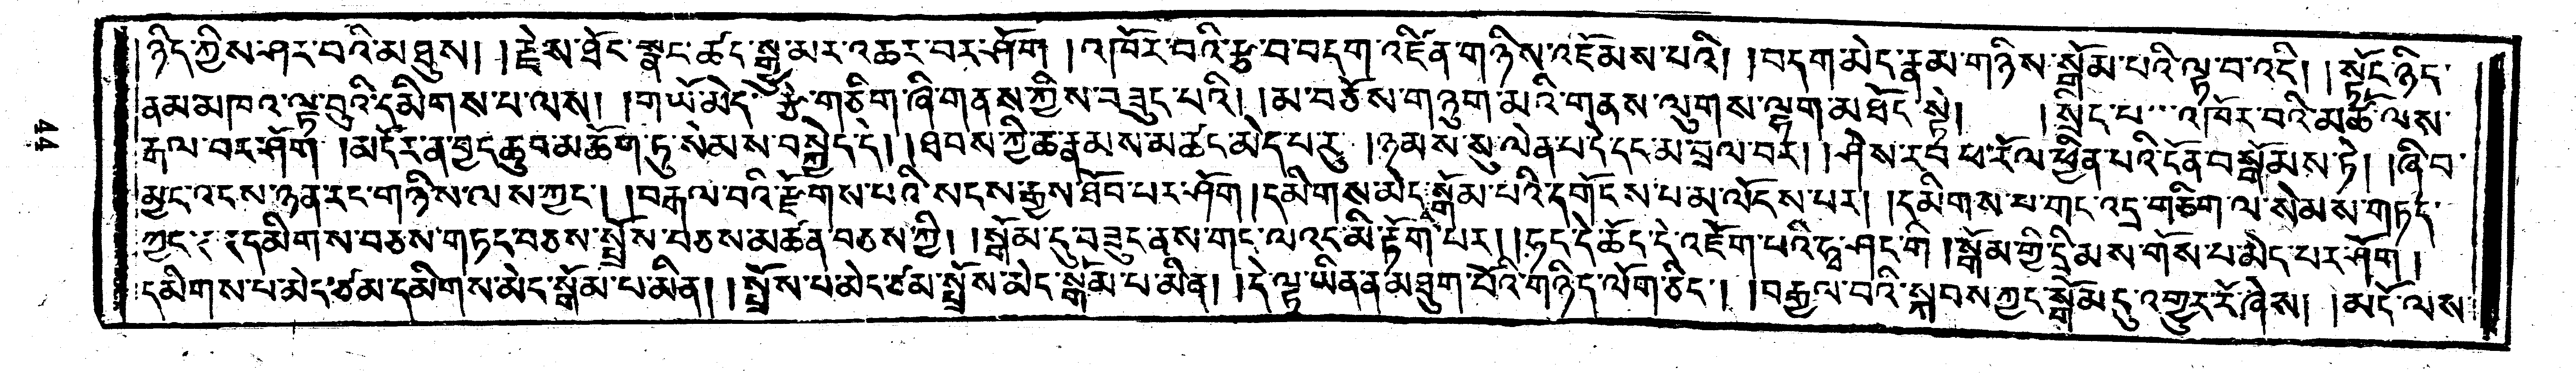ཉིད་ཀྱིས་ཤར་བའི་མཐུས། །རྗེས་ཐོང་སྣང་ཚད་སྒྱུ་མར་འཆར་བར་ཤོག །འཁོར་བའི་རྩ་བ་བདག་འཛིན་གཉིས་འཇོམས་པའི། །བདག་མེད་རྣམ་གཉིས་སྒོམ་པའི་ལྟ་བ་འདི། །སྟོང་ཉིད་
ནམ་མཁའ་ལྟ་བུའི་དམིགས་པ་ལས། །གཡོ་མེད་རྩེ་གཅིག་ཞི་གནས་ཀྱིས་བཟུང་པའི། །མ་བཅོས་གཉུག་མའི་གནས་ལུགས་ལྷག་མཐོང་སྟེ། །སྲིད་པ་འཁོར་བའི་མཚོ་ལས་
རྒལ་བར་ཤོག །མདོར་ན་བྱང་ཆུབ་མཆོག་ཏུ་སེམས་བསྐྱེད་དེ། །ཐབས་ཀྱི་ཆ་རྣམས་མ་ཚད་མེད་པ་རུ་།ཉམས་སུ་ལེན་པ་དེ་དང་མ་བྲལ་བར། །ཤེས་རབ་ཕ་རོལ་ཕྱིན་པའི་དོན་བསྒོམས་ཏེ། །ཞི་བ་
མྱང་འདས་ཉན་རང་གཉིས་ལས་ཀྱང་། །བརྒལ་བའི་རྫོགས་པའི་སངས་རྒྱས་ཐོབ་པར་ཤོག །དམིགས་མེད་སྒོམ་པའི་དགོངས་པ་མ་ལོངས་པར། །དམིགས་པ་གང་འདྲ་གཅིག་ལ་སེམས་གཏད་
ཀྱང༑ ༑དམིགས་བཅས་གཏང་བཅས་སྤྲོས་བཅས་མཚན་བཅས་ཀྱི། །སྒོམ་དུ་བཟུང་ནས་གང་ལའང་མི་རྟོག་པར། །ཧད་དེ་ཆོད་དེ་འཇོག་པའི་ཧྭ་ཤང་གི །སྒོམ་གྱི་དྲི་མས་གོས་པ་མེད་པར་ཤོག།
དམིགས་པ་མེད་ཙམ་དམིགས་མེད་སྒོམ་པ་མིན། །སྤྲོས་པ་མེད་ཙམ་སྤྲོས་མེད་སྒོམ་པ་མིན། །དེ་ལྟ་ཡིན་ན་མཐུག་པོའི་གཉིད་ལོག་ཅིང་། །བརྒྱལ་བའི་སྐབས་ཀྱང་སྒོམ་དུ་འགྱུར་རོ་ཞེས། །མདོ་ལས་